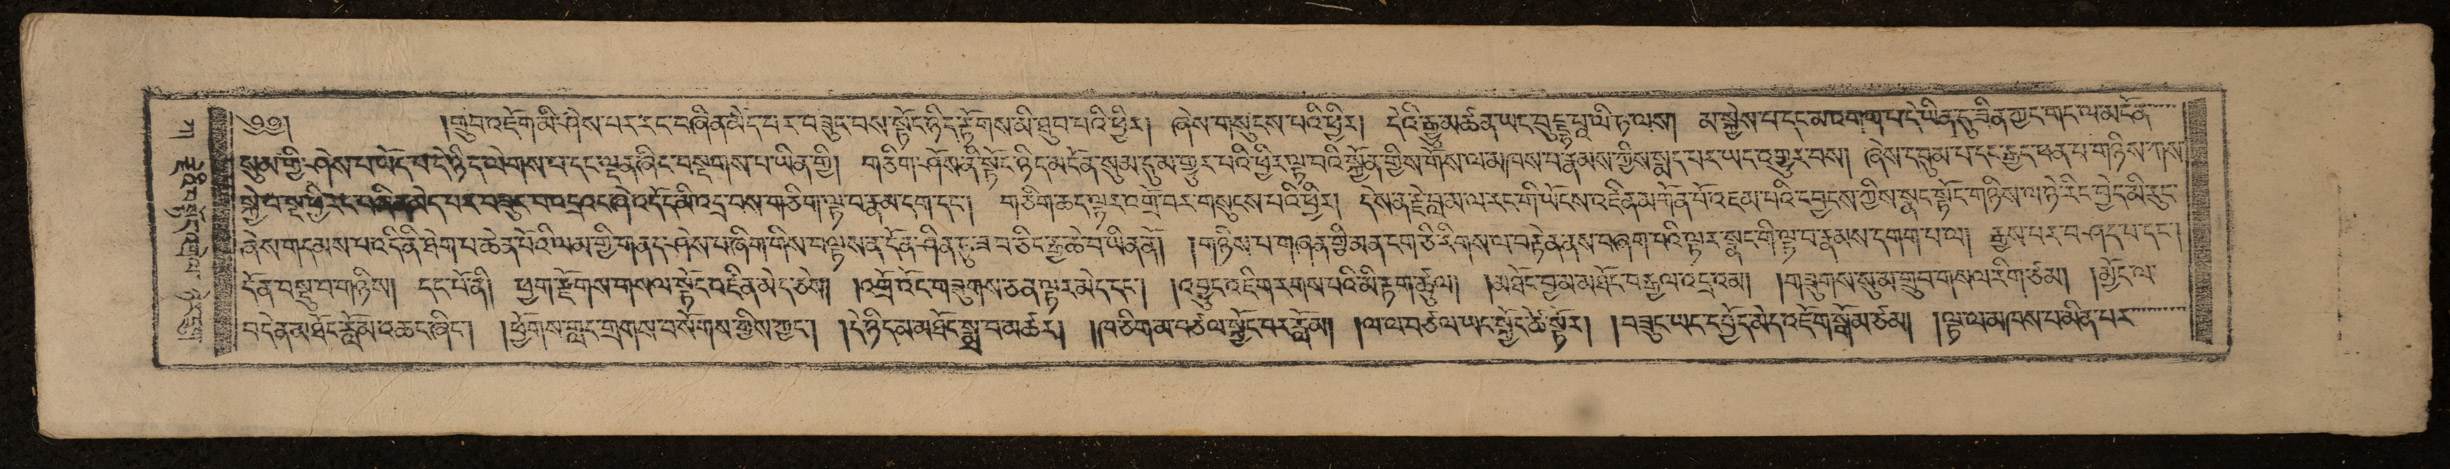༄༅། །གྲུབ་འཇོག་མི་ཤེས་པར་རང་བཞིན་མེད་པར་བཟུང་བས་སྟོང་ཉིད་རྟོགས་མི་ཐུབ་བའི་ཕྱིར། ཞེས་གསུངས་པའི་ཕྱིར། དེའི་རྒྱུ་མཚན་ཡང་བུདྡྷ་པཱ་ལི་ཏ་ལས། མ་སྐྱེས་པ་དང་མ་འགག་པ་དེ་ཡིན་དུ་ཟིན་ཀྱང་གང་ལ་མངོན་
སུམ་གྱི་ཤེས་པ་ཡོད་པ་དེ་ཉིད་ལེགས་པ་དང་ལྡན་ཞིང་བསྔགས་པ་ཡིན་གྱི། གཅིག་ཤོས་ནི་སྟོང་ཉིད་མངོན་སུམ་དུ་མ་གྱུར་བའི་ཕྱིར་ལྟ་བའི་སྐྱོན་གྱིས་གོས་ལ་མཁས་པ་རྣམས་ཀྱིས་སྨད་བར་ཡང་འགྱུར་བས། ཞེས་དབུམ་པ་དང་རྒྱང་ཕེན་པ་གཉིས་ཀས་
སྐྱེ་བ་སྔ་ཕྱི་རང་བཞིན་མེད་བར་བཟུང་བ་འདྲའ་བཞི་འདོད་མི་འདྲ་བས་གཅིག་ལྟ་བ་རྣམ་དག་དང་། གཅིག་ཆད་ལྟར་འགྲོ་བར་གསུངས་བའི་ཕྱིར། དེས་ན་རྗེ་བླ་མ་ལ་རང་གི་ཡོངས་འཛིན་མགོན་པོ་འཇམ་པའི་དབྱངས་ཀྱིས་སྣང་སྟོང་གཉིས་ལ་ཉེ་རིང་བྱེད་མི་རུང་
ཞེས་གདམས་པ་འདི་ནི་ཐེག་པ་ཆེན་པོའི་ལམ་གྱི་གནད་ཤེས་པ་ཞིག་གིས་བལྟས་ན་དོན་ཤིན་ཏུ་ཟབ་ཅིང་རྒྱ་ཆེ་བ་ཡིན་ནོ། །གཉིས་བ་གཞན་གྱི་མན་ངག་ཅི་རིགས་ལ་བརྟེན་ནས་བཞག་བའི་ལྟར་སྣང་གི་ལྟ་བ་རྣམས་དགག་པ་ལ། རྒྱས་བར་བཤད་བ་དང་།
དོན་བསྡུ་བ་གཉིས། དང་པོ་ནི། ཕྱག་རྫོགས་གསལ་སྟོང་འཛིན་མེད་ཅེས། །འགྲོ་འོང་གཟུགས་ཅན་ལྟར་མེད་དང་། །འབྱུང་འཇིག་རགས་བའི་མི་རྟག་ཚུལ། །མཐོང་བྱ་མ་མཐོང་བརྒྱལ་འདྲའམ། །གཟུགས་སུམ་གྲུབ་གསལ་རིག་ཙམ། །མྱོང་ལ་
བདེན་མཐོང་རློམ་འཆང་ཞིང་། །ཕྱོགས་གླང་གྲགས་པ་སོགས་གྱིས་ཀྱང་། །དེ་ཉིད་མ་མཐོང་སྨྲ་བ་མཚར། །ཁ་ཅིག་མ་བཙལ་སྐྱོང་བར་རློམ། །ལ་ལ་བཙལ་ལང་སྐྱོང་ཚེ་སྟོར། །བཟུང་ཡང་དཔྱོད་མེད་འཇོག་སྒོམ་ཙམ། །ལྟ་ལ་མཁས་བ་མིན་པར་